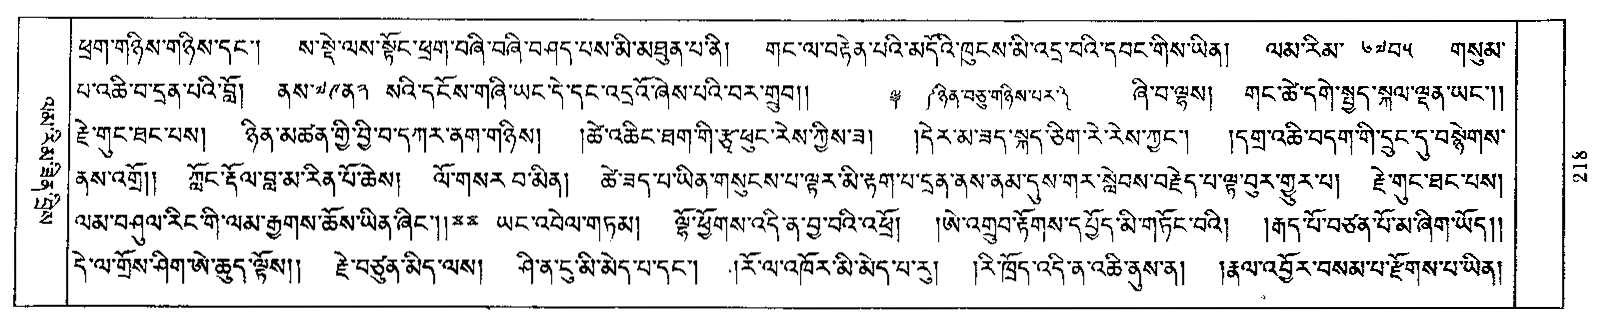ཕྲག་གཉིས་གཉིས་དང་། ས་སྡེ་ལས་སྟོང་ཕྲག་བཞི་བཞི་བཤད་པས་མི་མཐུན་པ་ནི། གང་ལ་བརྟེན་པའི་མདོའི་ཁུངས་མི་འདྲ་བའི་དབང་གིས་ཡིན། ལམ་རིམ ༦༧་བ ༥་གསུམ་
པ་འཆི་བ་དྲན་པའི་བློ། ནས ༧༩་ན ༢་སའི་དངོས་གཞི་ཡང་དེ་དང་འདྲའོ་ཞེས་པའི་བར་གྲུབ།། ༈ ཉིན་བཅུ་གཉིས་པར྄་ཞི་བ་ལྷས། གང་ཚེ་དགེ་སྤྱད་སྐལ་ལྡན་ཡང།།
རྗེ་གུང་ཐང་པས། ཉིན་མཚན་གྱི་བྱི་བ་དཀར་ནག་གཉིས། །ཚེ་འཆིང་ཐག་གི་རྩྭ་ཕུང་རེས་ཀྱིས་ཟ། །དེར་མ་ཟད་སྐད་ཅིག་རེ་རེས་ཀྱང་། །དགྲ་འཆི་བདག་གི་དྲུང་དུ་བསྙེགས་
ནས་འགྲོ།། ཀློང་རྡོལ་བླ་མ་རིན་པོ་ཆེས། ལོ་གསར་བ་མིན། ཚེ་ཟད་པ་ཡིན་གསུངས་པ་ལྟར་མི་རྟག་པ་དྲན་ནས་ནམ་དུས་གར་སླེབས་བརྗེད་པ་ལྟ་བུར་གྱུར་པ། རྗེ་གུང་ཐང་པས།
ལམ་བཤུལ་རིང་གི་ལམ་རྒྱགས་ཆོས་ཡིན་ཞིང།། ཡང་འབེལ་གཏམ། ལྷོ་ཕྱོགས་འདི་ན་བྱ་བའི་འཕྲོ། །ཨེ་འགྲུབ་རྟོགས་དཔྱོད་མི་གཏོང་བའི། །རྒད་པོ་བཙན་པོ་མ་ཞིག་ཡོད།།
དེ་ལ་གྲོས་ཤིག་ཨེ་ཆུད་ལྟོས།། རྗེ་བཙུན་མིད་ལས། ཤི་ན་ངུ་མི་མེད་པ་དང་། །རོ་ལ་འཁོར་མི་མེད་པ་རུ། །རི་ཁྲོད་འདི་ན་འཆི་ནུས་ན། །རྣལ་འབྱོར་བསམ་པ་རྫོགས་པ་ཡིན།